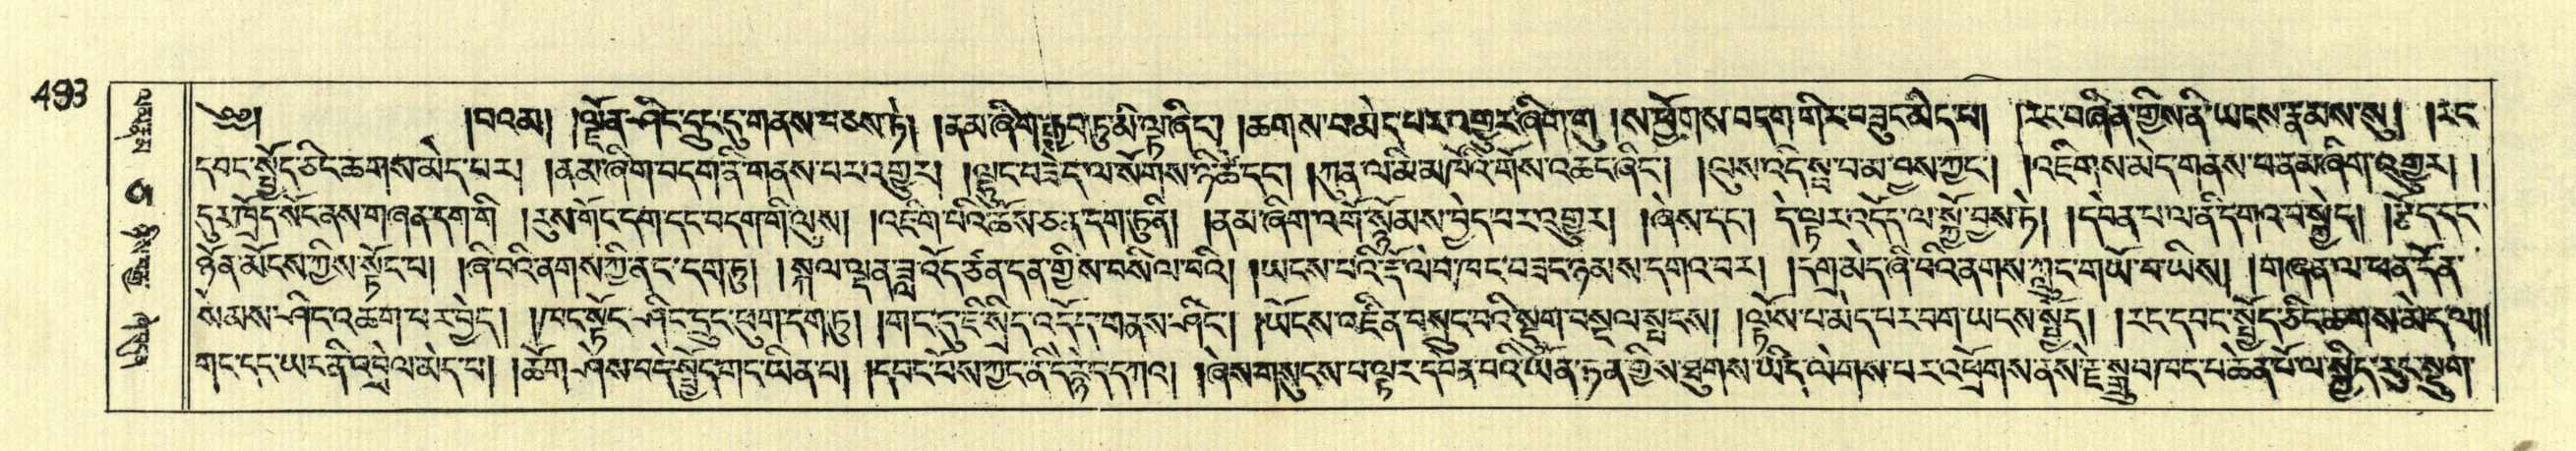༄༅། །བའམ། །ལྗོན་ཤིང་དྲུང་དུ་གནས་བཅས་ཏེ། །ནམ་ཞིག་རྒྱབ་ཏུ་མི་ལྟ་ཞིང་། །ཆགས་བ་མེད་པར་འགྱུར་ཞིག་གུ། །ས་ཕྱོགས་བདག་གིར་བཟུང་མེད་པ། །རང་བཞིན་གྱིས་ནི་ཡངས་རྣམས་སུ། །རང་
དབང་སྤྱོད་ཅིང་ཆགས་མེད་པར། །ནམ་ཞིག་བདག་ནི་གནས་པར་འགྱུར། །ལྷུང་བཟེད་ལ་སོགས་ཉི་ཚེ་དང་། །ཀུན་ལ་མི་མཁོའི་གོས་འཆང་ཞིང་། །ལུས་འདི་སྦ་བ་མ་བྱས་ཀྱང་། །འཇིགས་མེད་གནས་པ་ནམ་ཞིག་འགྱུར། །
དུར་ཁྲོད་སོང་ནས་གཞན་དག་གི། །རུས་གོང་དག་དང་བདག་གི་ལུས། །འཇིག་པའི་ཆོས་ཅན་དག་ཏུ་ནི། །ནམ་ཞིག་འགོ་སྙོམས་བྱེད་པར་འགྱུར། །ཞེས་དང་། དེ་ལྟར་འདོད་ལ་སྐྱོ་བྱས་ཏེ། །དབེན་པ་ལ་ནི་དགའ་བ་སྐྱེད། །རྩོད་དང་
ཉོན་མོངས་ཀྱིས་སྟོང་པ། །ཞི་བའི་ནགས་ཀྱི་ནང་དག་ཏུ། །སྐལ་ལྡན་ཟླ་འོད་ཙན་དན་གྱིས་བསིལ་བའི། །ཡངས་པའི་རྡོ་ལེབ་ཁང་བཟང་ཉམས་དགའ་བར། །དགྲ་མེད་ཞི་བའི་ནགས་ཀླུང་གཡོ་བ་ཡིས། །གཞན་ལ་ཕན་དོན་
སེམས་ཤིང་འཆག་པར་བྱེད། །ཁང་སྟོང་ཤིང་དྲུང་ཕུག་དག་ཏུ། །གང་དུ་ཇི་སྲིད་འདོད་གནས་ཤིང་། །ཡོངས་འཛིན་བསྲུང་བའི་སྡུག་བསྔལ་སྤངས། །ལྟོས་པ་མེད་པར་བག་ཡངས་སྤྱོད། །རང་དབང་སྤྱོད་ཅིང་ཆགས་མེད་ལ།།
གང་དང་ཡང་ནི་འབྲེལ་མེད་པ། །ཆོག་ཤེས་བདེ་སྤྱོད་གང་ཡིན་པ། །དབང་པོས་ཀྱང་ནི་དེ་རྙེད་དཀའ། །ཞེས་གསུངས་པ་ལྟར་དབེན་པའི་ཡོན་ཏན་གྱིས་ཐུགས་ཡིད་ལེགས་པར་འཕྲོགས་ནས་རྗེ་སྒྲུབ་ཁང་པ་ཆེན་པོ་ལ་སྐྱིད་རུང་སྡུག་